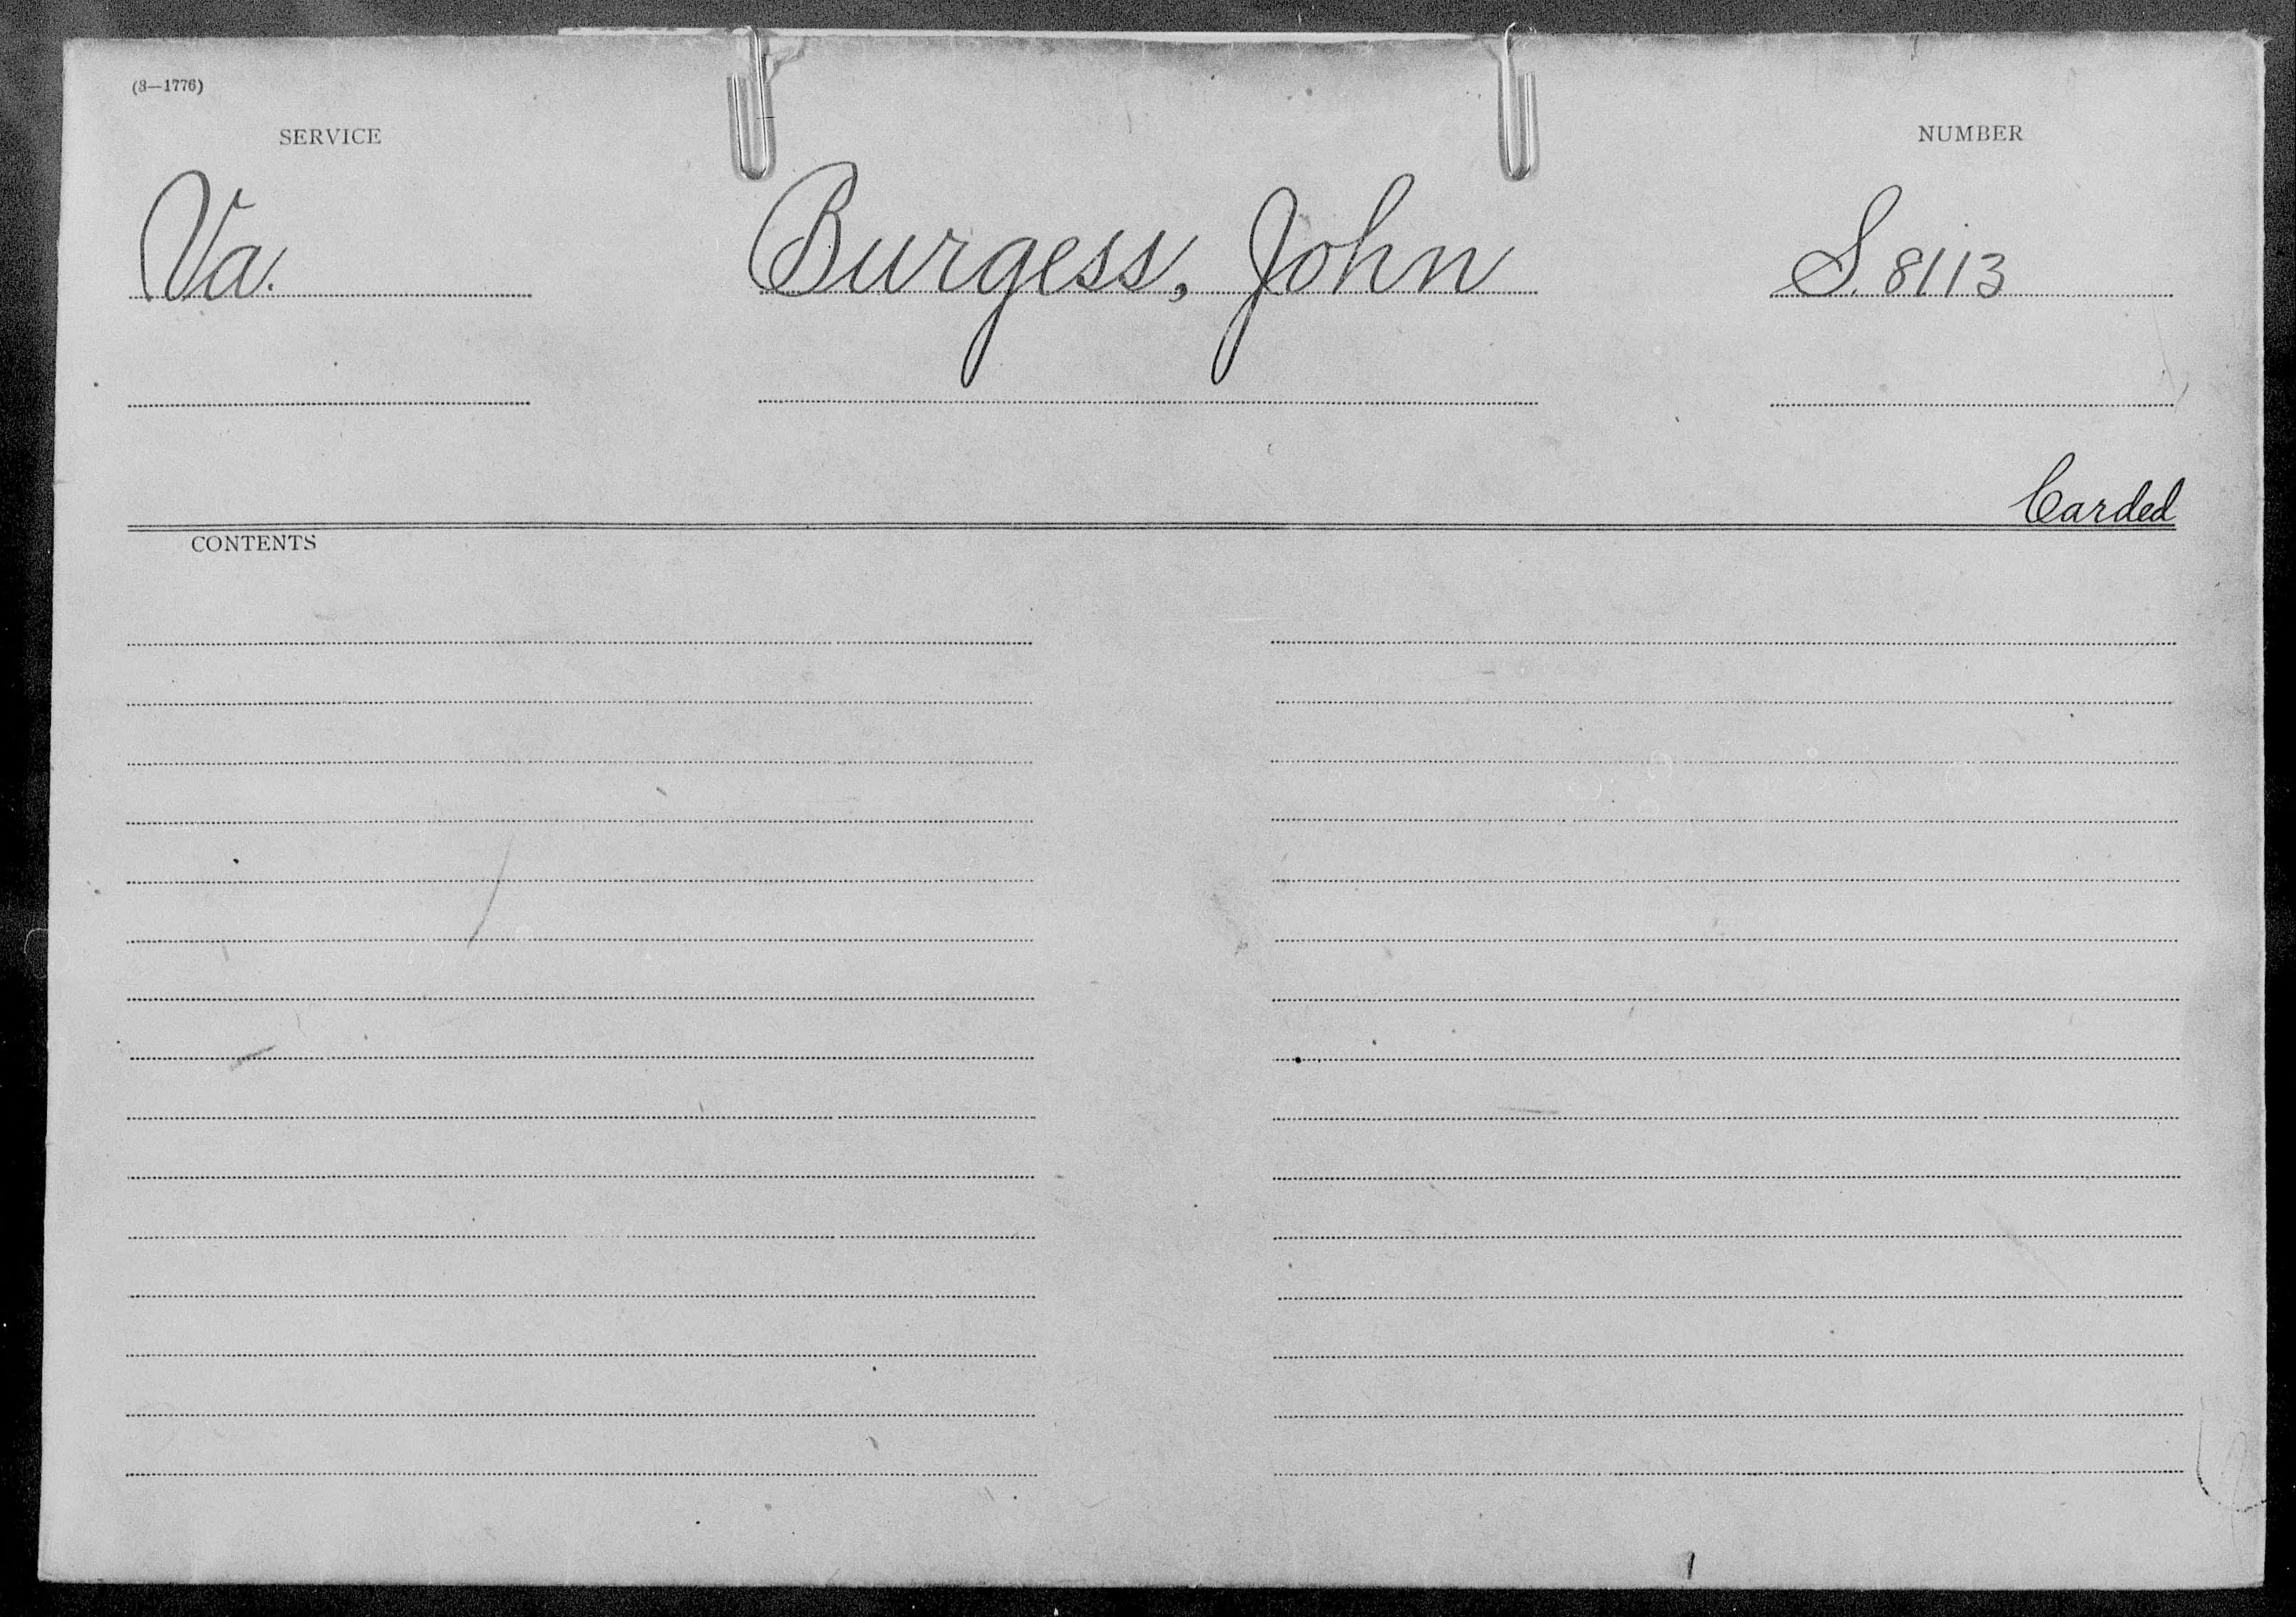(3 - 1776)
SERVICE
Va.
Burgess, John
NUMBER
S. 8113
Carded

CONTENTS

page: 1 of 16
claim: survivor's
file: S. 8113, John Burgess, Va.